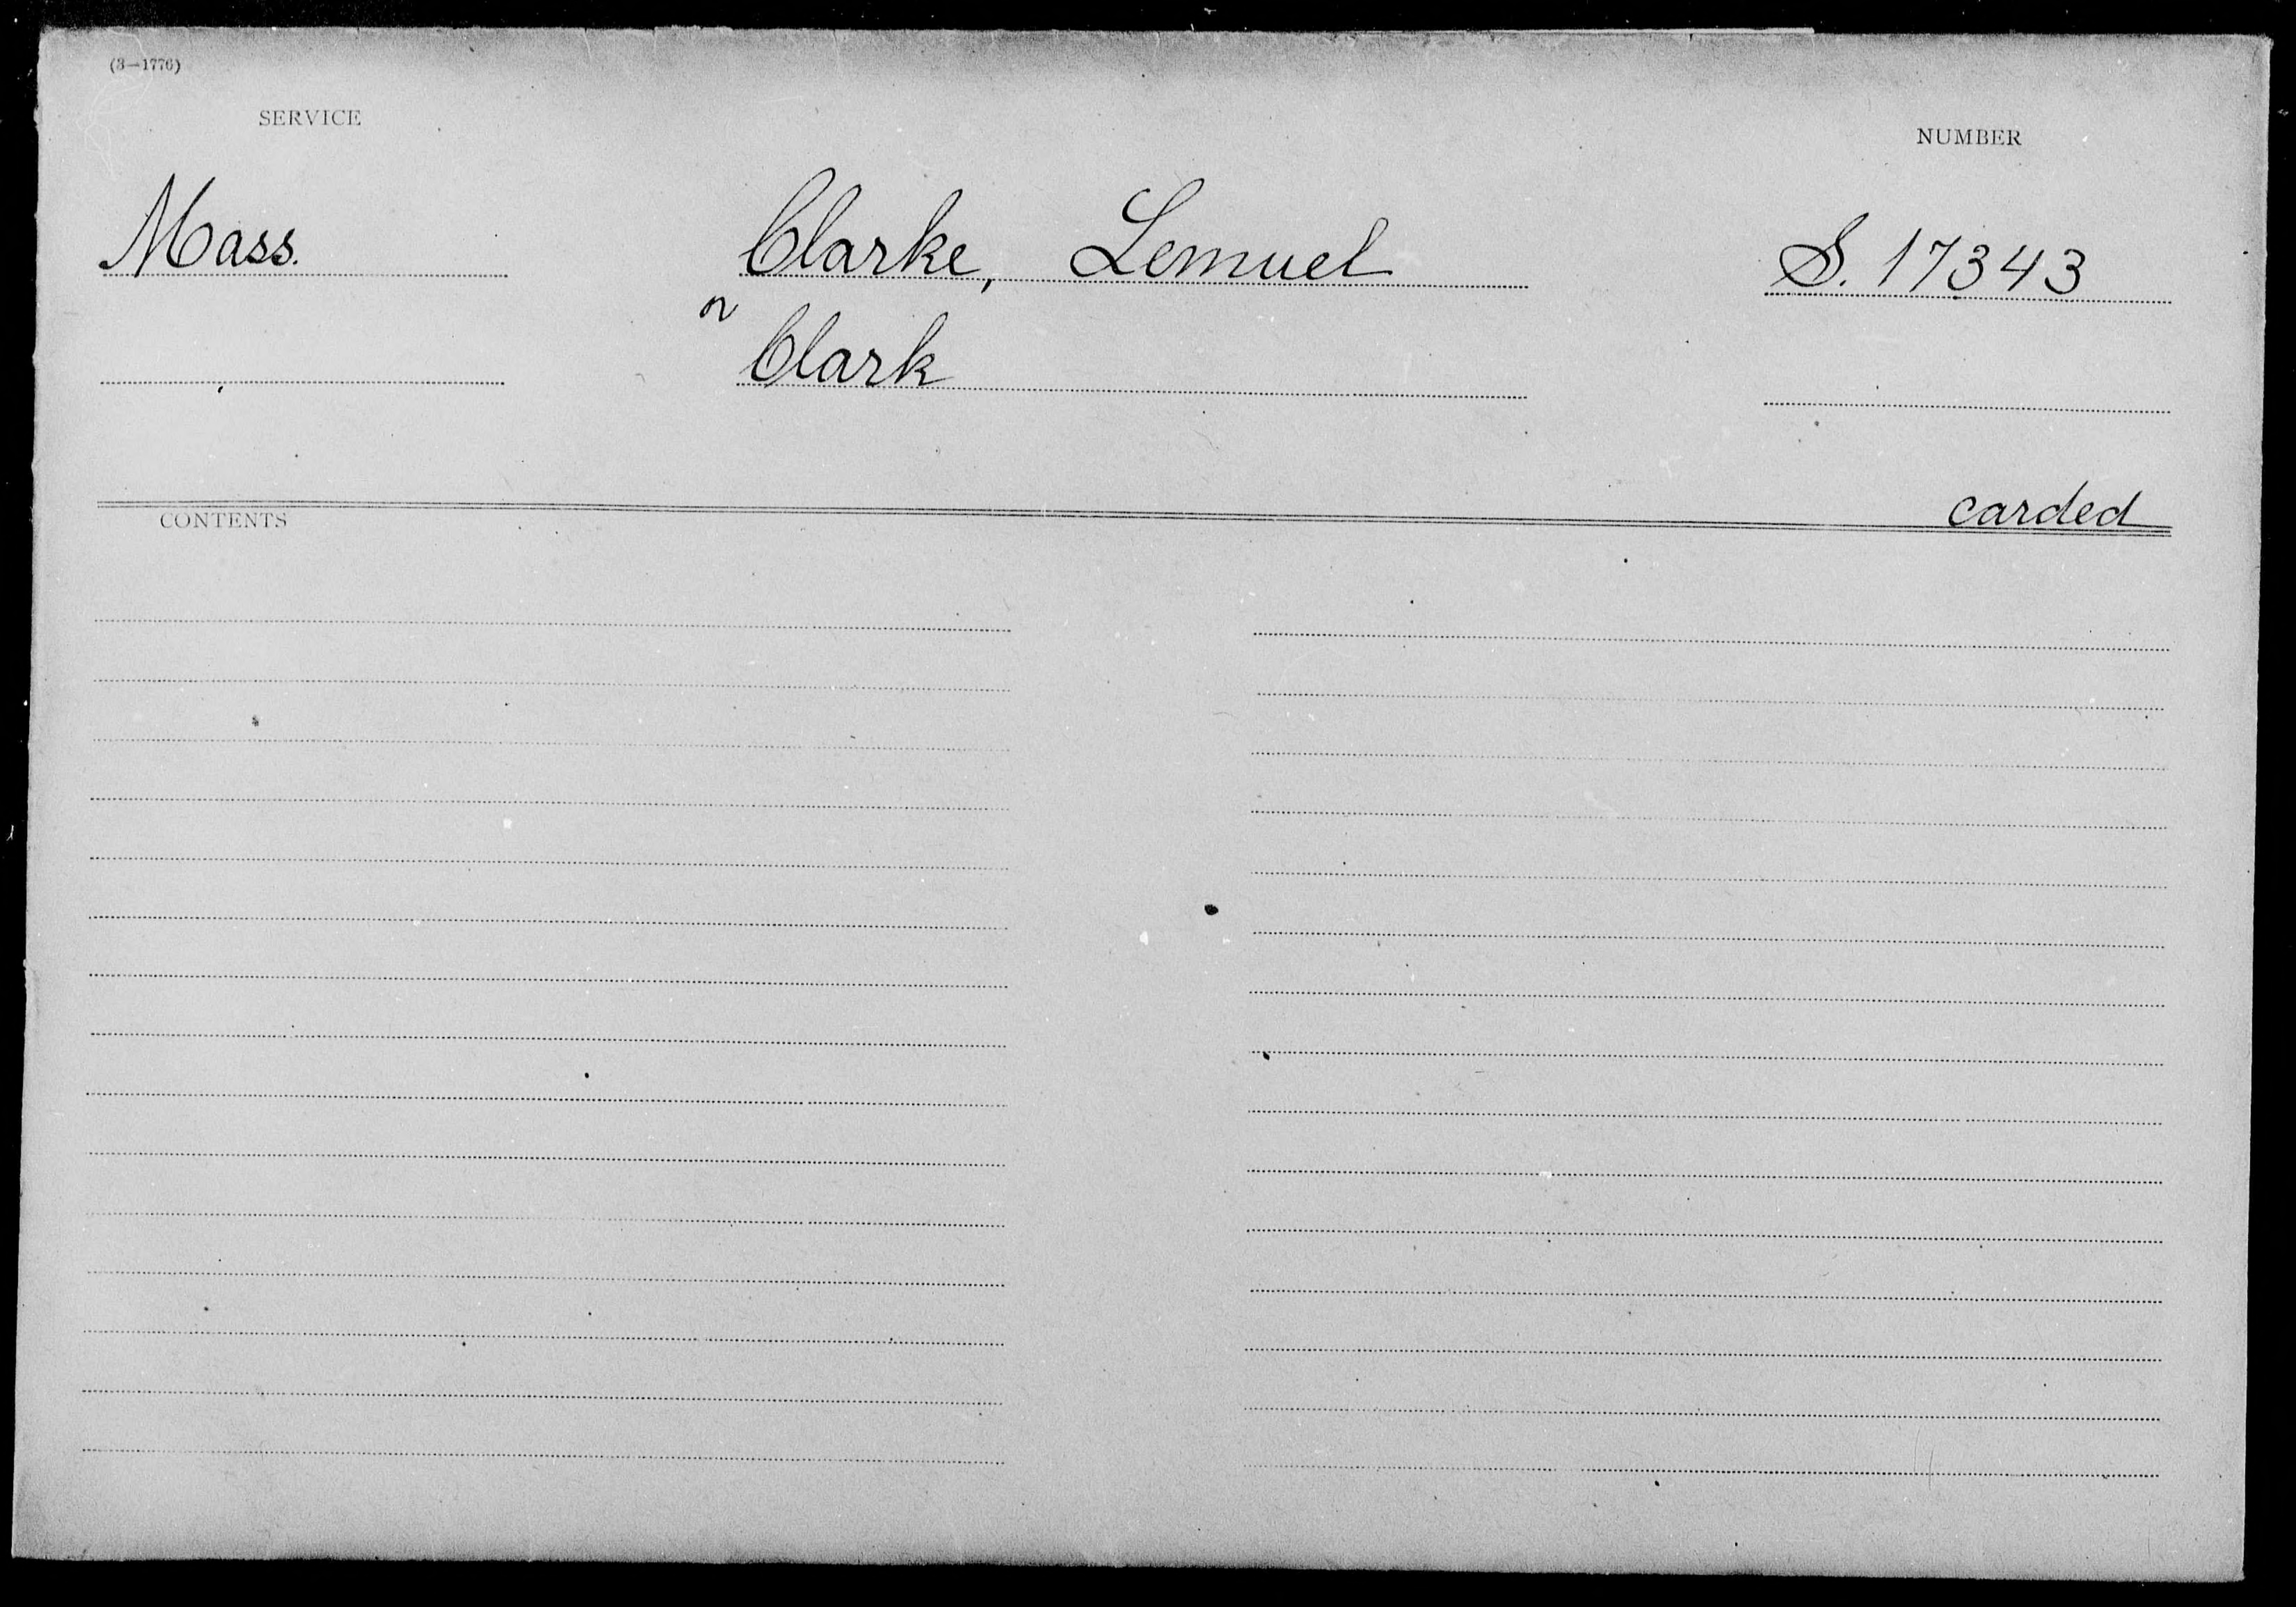(3-1776)
SERVICE NUMBER
Mass Clarke, Lamuel S. 17343
or Clark
carded
CONTENTS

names: Lemuel Clark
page: 1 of 48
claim: survivor's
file: S. 17343, Lemuel Clarke, Mass.